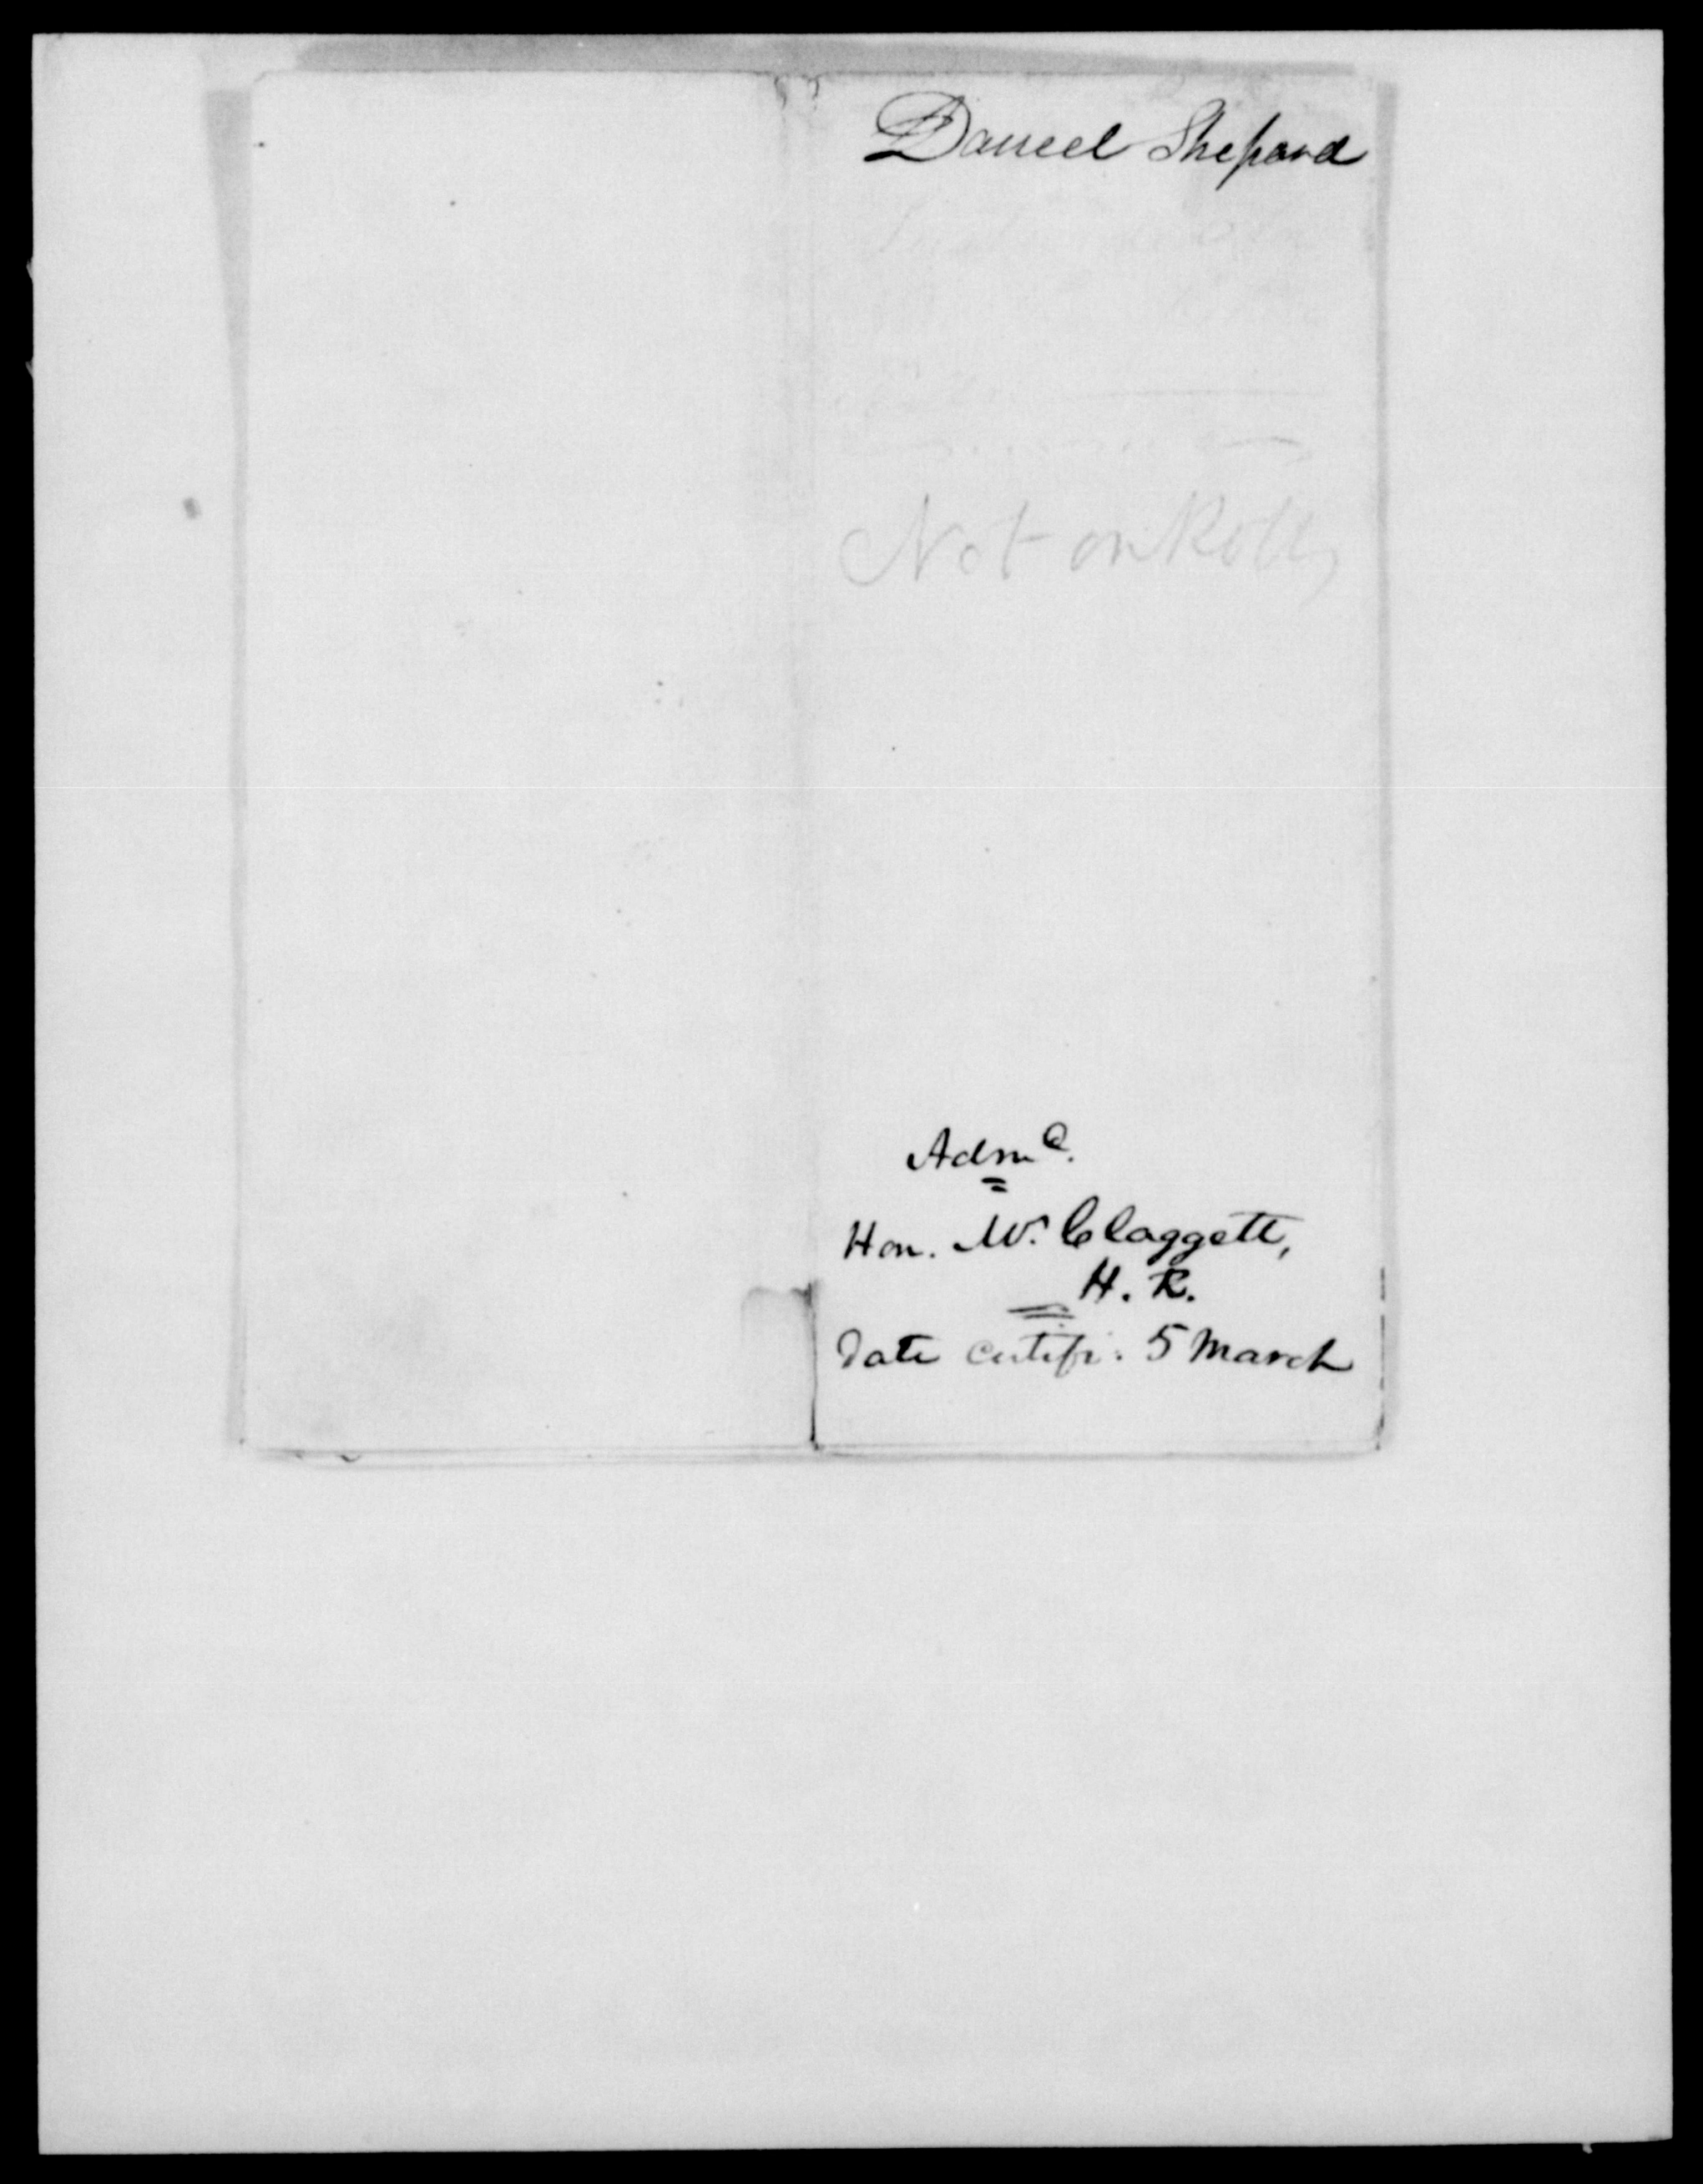Daniel Shepard

Not on Rolls

Admd Hon. W. Claggett,
H.R.
Date certific 5 March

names: Daniel Shepard; W Claggett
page: 3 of 25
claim: survivor's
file: S. 43137, for Daniel Shepard, New Hampshire